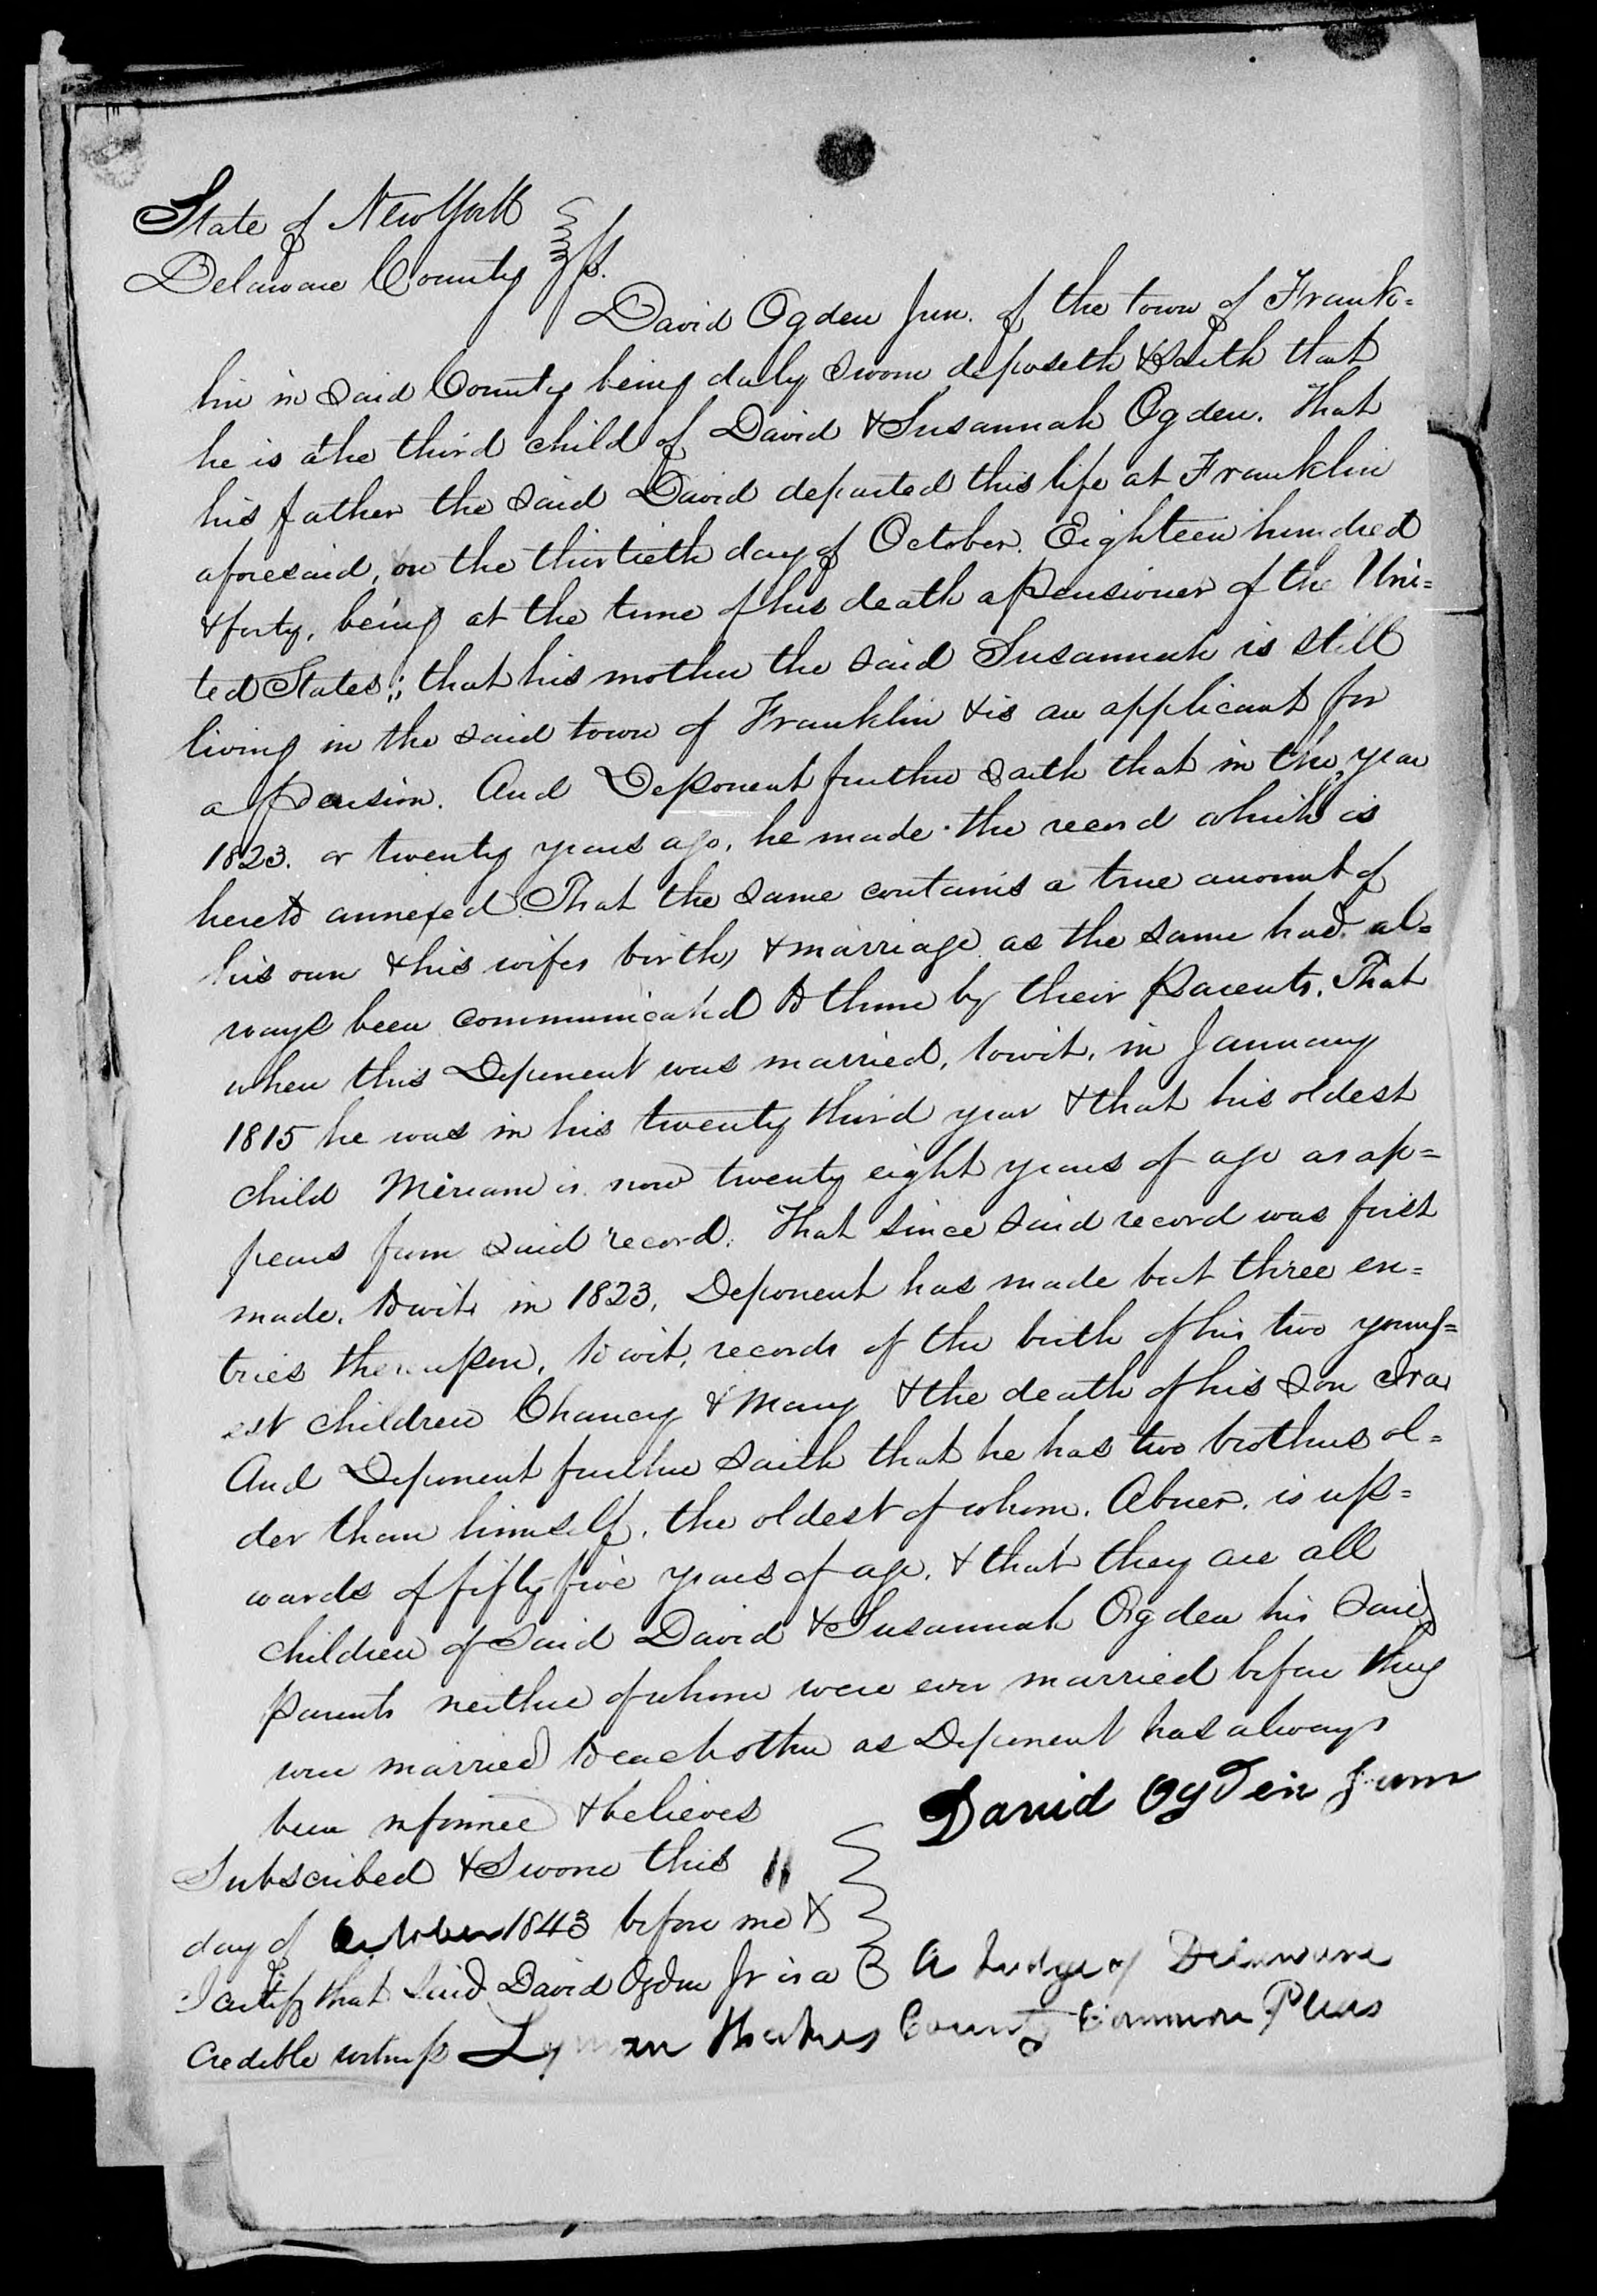State of New York}
Delaware County} ss.

David Ogden Jun. of the town of Franklin
in said County being duly sworn deposeth & saith that
he is the third child of David & Susannah Ogden.  That
his father the said David departed this life at Franklin
aforesaid, on the thirtieth day of October, Eighteen hundred
& forty, being at the time of his death a pensioner of the 
United States; that his mother the said Susannah is still
living in the said town of Franklin & is an applicant for
a pension.  And Deponent further saith that in the year
1823, or twenty years ago, he made the record which is
hereto annexed.  That the same contains a true account of
his own & his wifes birth, & marriage as the same had 
always been communicated to them by their parents.  That
when this Deponent was married, to wit, in January
1815 he was in his twenty third year & that his oldest
child Miriam is now twenty eight years of age as 
appears from said record.  That since said record was first
made to wit in 1823, Deponent has made but three 
entries thereupon, to wit, records of the birth of his two 
youngest children Chancy & Mary & the death of his son Ira. 
And Deponent further Saith that he has two brothers older 
than himself the oldest of whom Abner, is 
upwards of fifty five years of age, & that they are all
children of said David & Susannah Ogden his said
parents neither of whom were ever married before they
were married to each other as Deponent has always
been informed & believes
David Ogden Junr

Subscribed & Sworn this 11} 
day of October 1843 before me &} A Judge of Delaware
I Certify that said David Ogden is a} County Common Pleas
credible witness} Lyman Hakes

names: Susannah Ogden; Ira [BLANK]; Mary [BLANK]; Chancy [BLANK]; David Ogden; Lyman Hakes; Abner [BLANK]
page: 10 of 40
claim: widow's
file: W. 24364, for David Ogden, New York